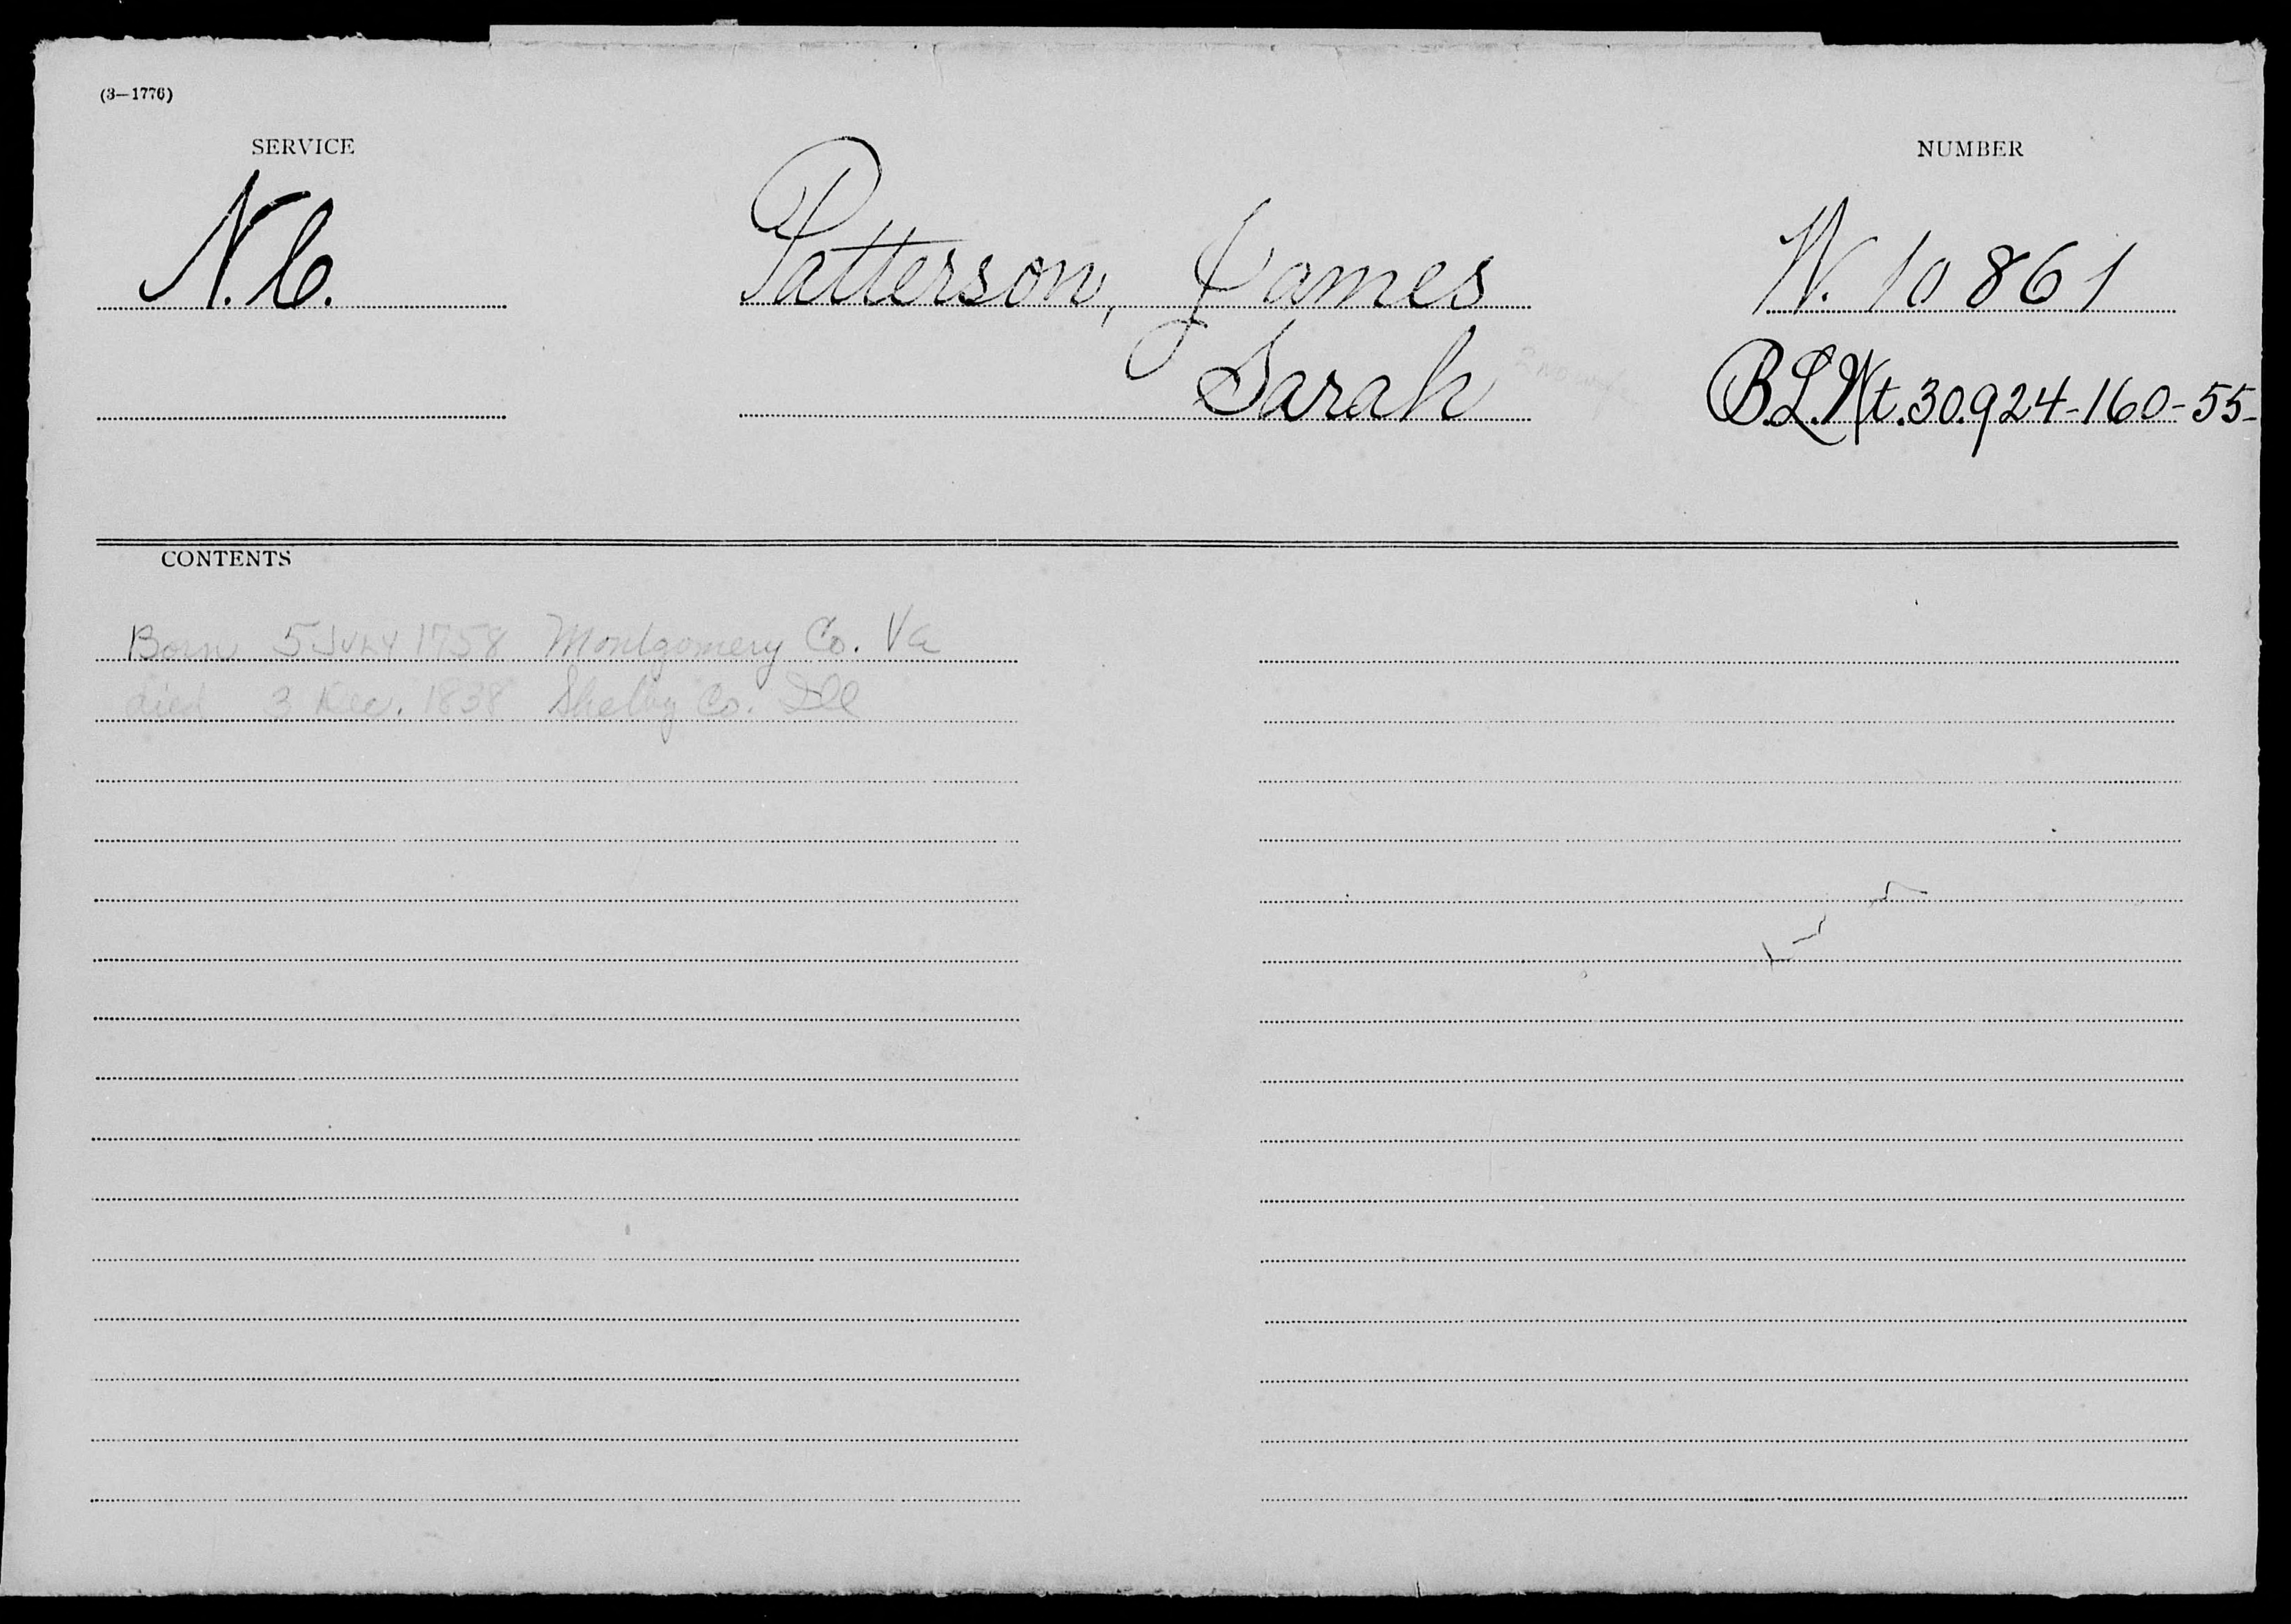(3 - 1776)
SERVICE				NUMBER
N.C.	Patterson, James	W.10861
			Sarah	B.L.Wt.30.924-160-55-
CONTENTS
Born 5 July 1758 Montgomery Co. Va
Died 3 Dec. 1838 Shelby Co. Ill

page: 1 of 69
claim: widow's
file: W. 10861, for James Patterson, North Carolina